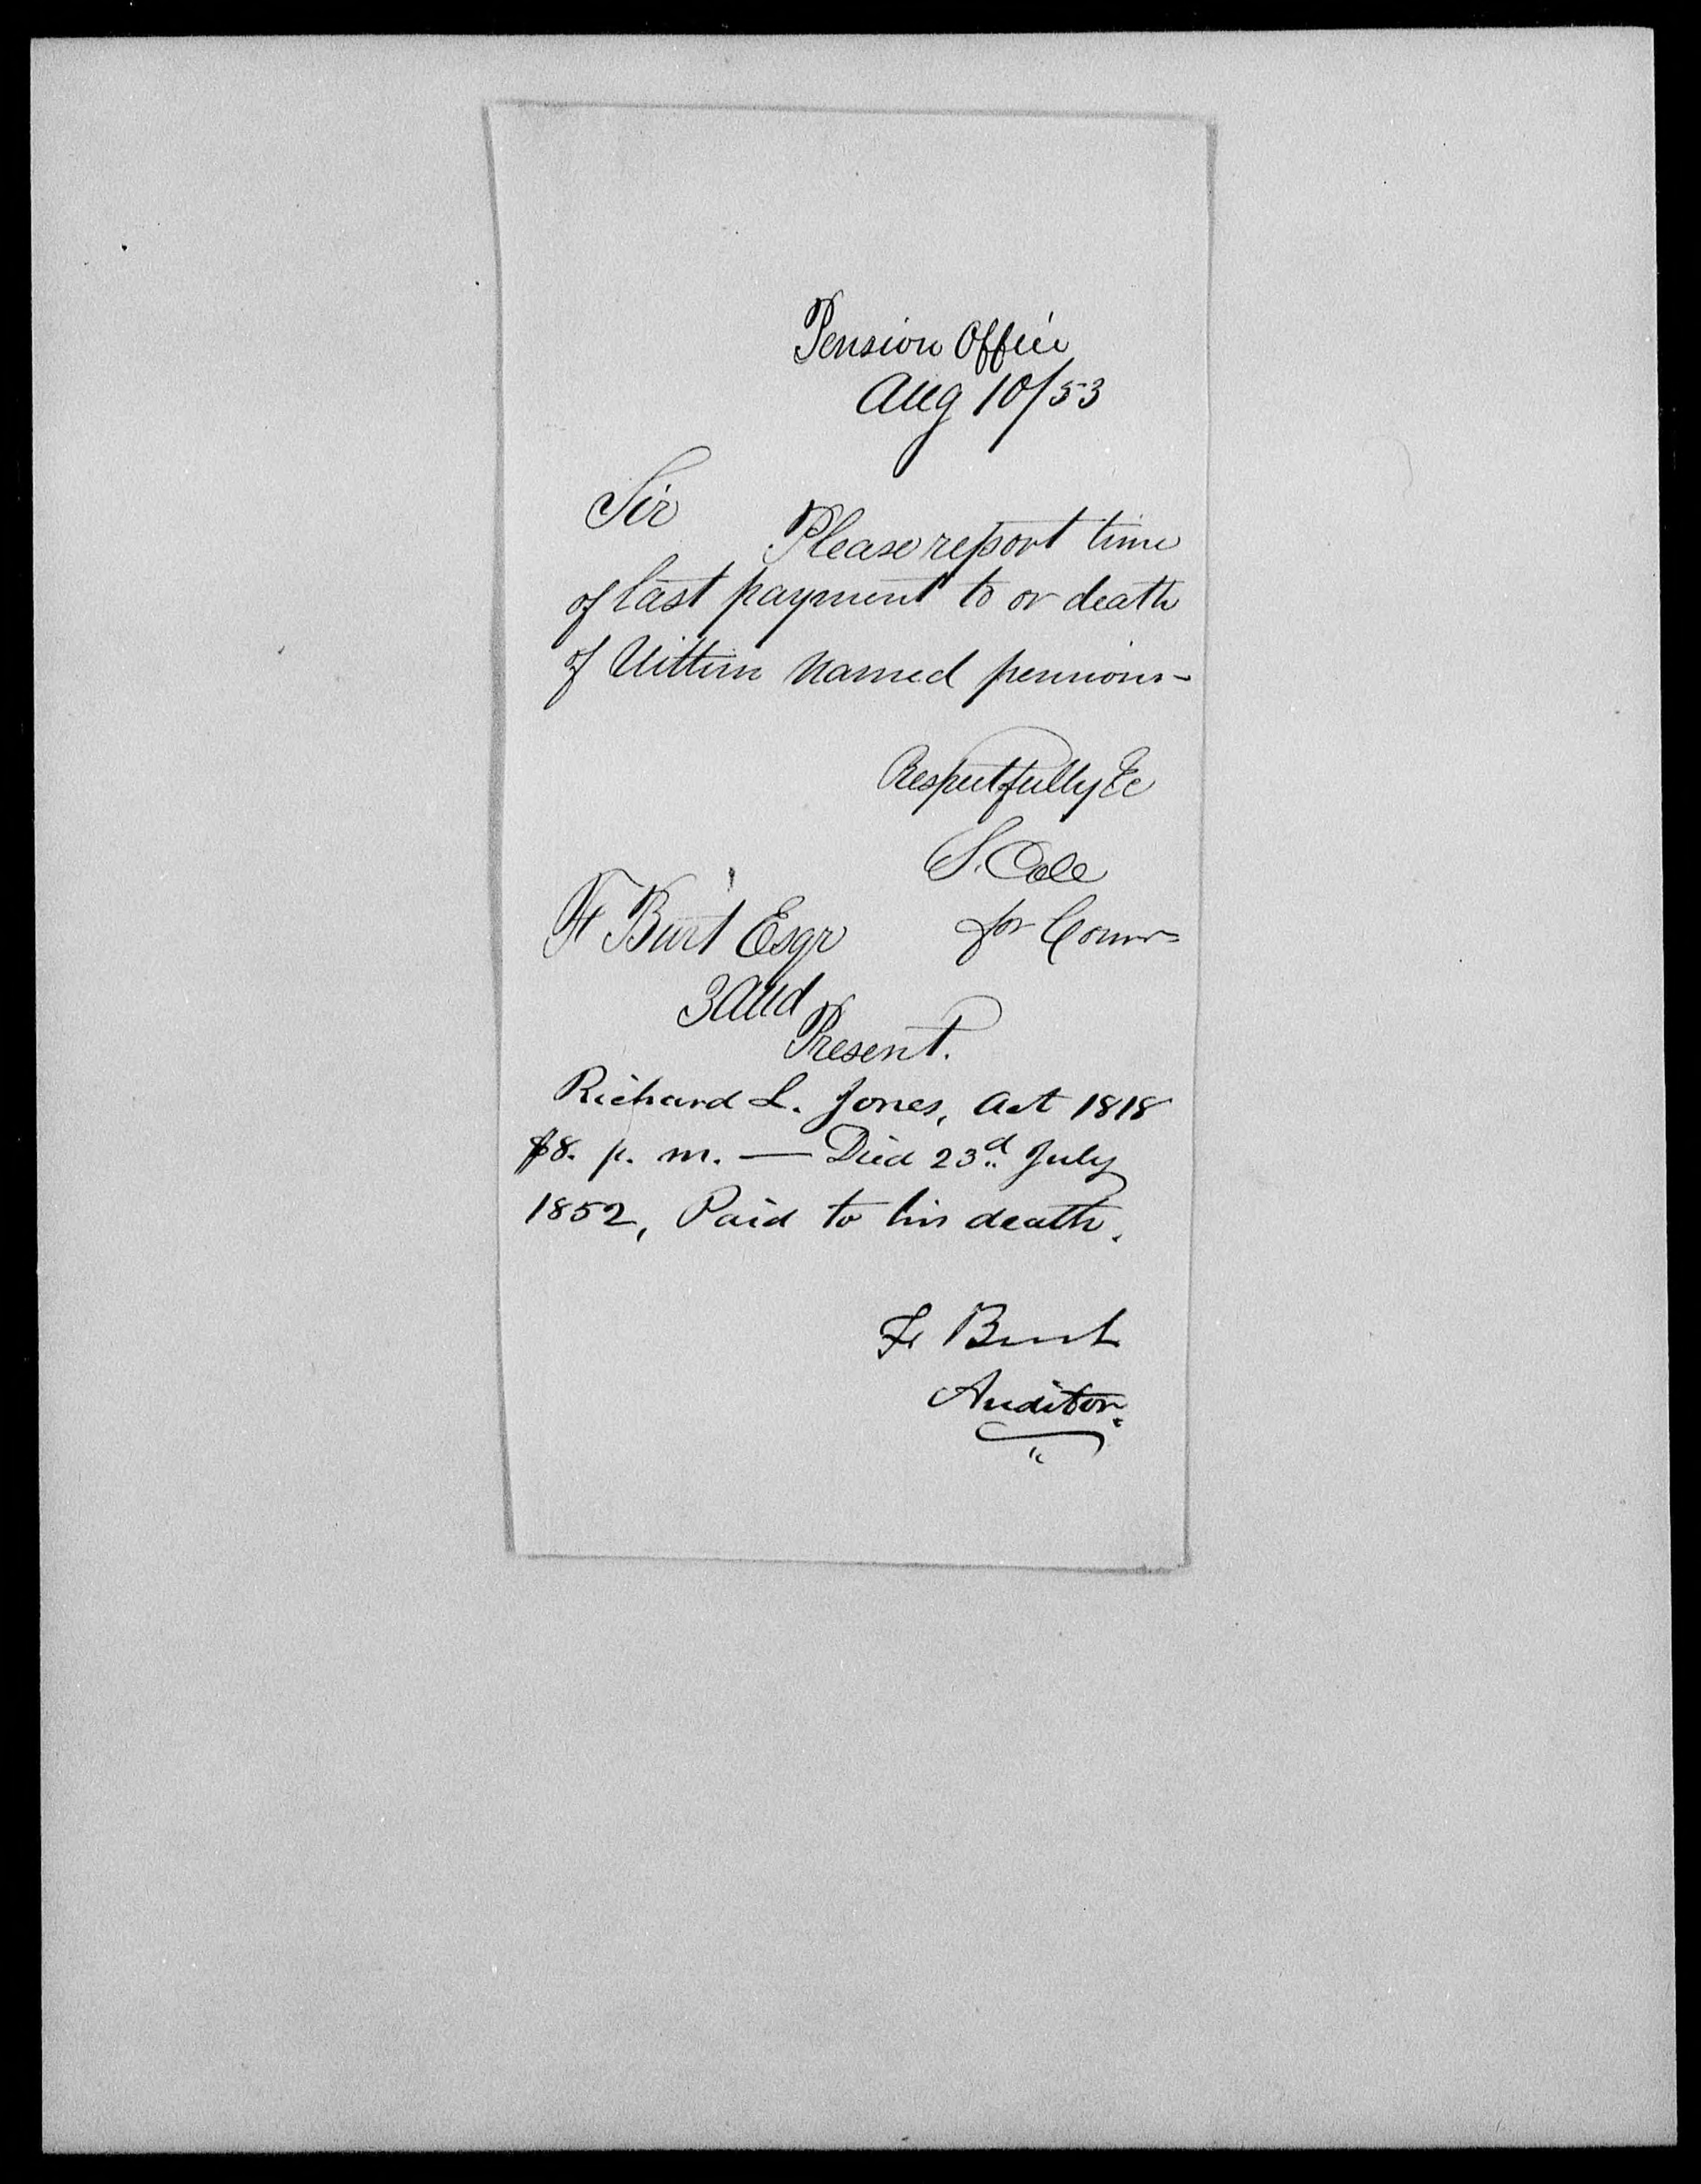Pension Office
Aug 10/53
Sir
Please report time
of last payment
to or death
of Within
named persons
Respectfully &c

S. Cole
for Comm
F Burt Esqr
3aud
Present
Richard L. Jones, Act 1818
$8 p.m. -- Died 23d July
1852, Paid to his death
F. Burt
Auditor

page: 28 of 62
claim: widow's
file: W. 765, for Richard L Jones, Connecticut